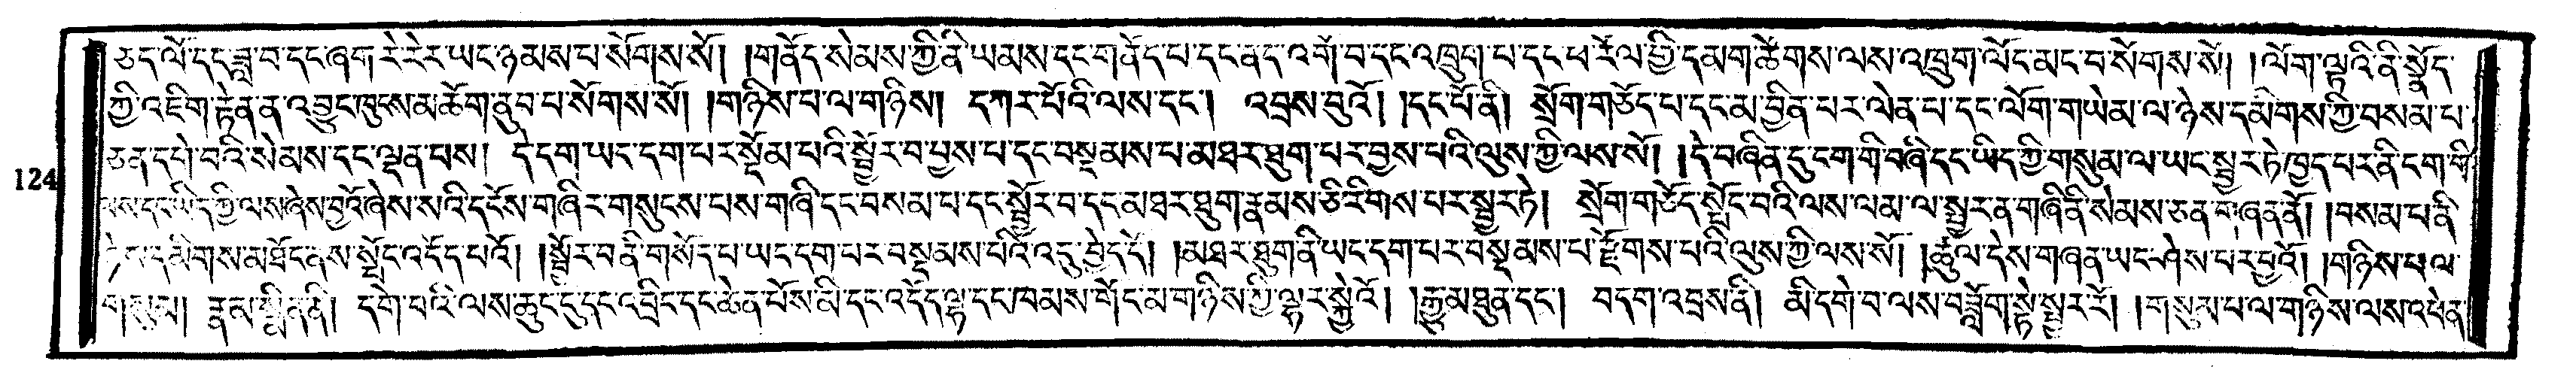ཅད་ལོ་དང་ཟླ་བ་དང་ཞག་རེ་རེར་ཡང་ཉམས་པ་སོགས་སོ། །གནོད་སེམས་ཀྱི་ནི་ཡམས་དང་གནོད་པ་དང་ནད་འགོ་བ་དང་འཁྲུག་པ་དང་ཕ་རོལ་གྱི་དམག་ཚོགས་ལས་འཁྲུག་ལོང་མང་བ་སོགས་སོ། །ལོག་ལྟའི་ནི་སྣོད་
ཀྱི་འཇིག་རྟེན་ན་འབྱུང་ཁུངས་མཆོག་ནུབ་པ་སོགས་སོ། །གཉིས་པ་ལ་གཉིས། དཀར་པོའི་ལས་དང་། འབྲས་བུའོ། །དང་པོ་ནི། སྲོག་གཅོད་པ་དང་མ་བྱིན་པར་ལེན་པ་དང་ལོག་གཡེམ་ལ་ཉེས་དམིགས་ཀྱི་བསམ་པ་
ཅན་དགེ་བའི་སེམས་དང་ལྡན་པས། དེ་དག་ཡང་དག་པར་སྡོམ་པའི་སྦྱོར་བ་བྱས་པ་དང་བསྡམས་པ་མཐར་ཐུག་པར་བྱས་པའི་ལུས་ཀྱི་ལས་སོ། །དེ་བཞིན་དུ་ངག་གི་བཞི་དང་ཡིད་ཀྱི་གསུམ་ལ་ཡང་སྦྱར་ཏེ་ཁྱད་པར་ནི་ངག་གི་
ལས་དང་ཡིད་ཀྱི་ལས་ཞེས་བྱའོ་ཞེས་སའི་དངོས་གཞིར་གསུངས་པས་གཞི་དང་བསམ་པ་དང་སྦྱོར་བ་དང་མཐར་ཐུག་རྣམས་ཅི་རིགས་པར་སྦྱར་ཏེ། སྲོག་གཅོད་སྤོང་བའི་ལས་ལམ་ལ་སྦྱར་ན་གཞི་ནི་སེམས་ཅན་གཞན་ནོ། །བསམ་པ་ནི་
ཉེས་དམིགས་མཐོང་ནས་སྤོང་འདོད་པའོ། །སྦྱོར་བ་ནི་གསོད་པ་ཡང་དག་པར་བསྡམས་པའི་འདུ་བྱེད་དོ། །མཐར་ཐུག་ནི་ཡང་དག་པར་བསྡམས་པ་རྫོགས་པའི་ལུས་ཀྱི་ལས་སོ། །ཚུལ་དེས་གཞན་ཡང་ཤེས་པར་བྱའོ། །གཉིས་པ་ལ་
གསུམ། རྣམ་སྨིན་ནི། དགེ་བའི་ལས་ཆུང་དུ་དང་འབྲིང་དང་ཆེན་པོས་མི་དང་འདོད་ལྷ་དང་ཁམས་གོང་མ་གཉིས་ཀྱི་ལྷར་སྐྱེའོ། །རྒྱུ་མཐུན་དང་། བདག་འབྲས་ནི། མི་དགེ་བ་ལས་བཟློག་སྟེ་སྦྱར་རོ། །གསུམ་པ་ལ་གཉིས་ལས་འཕེན་